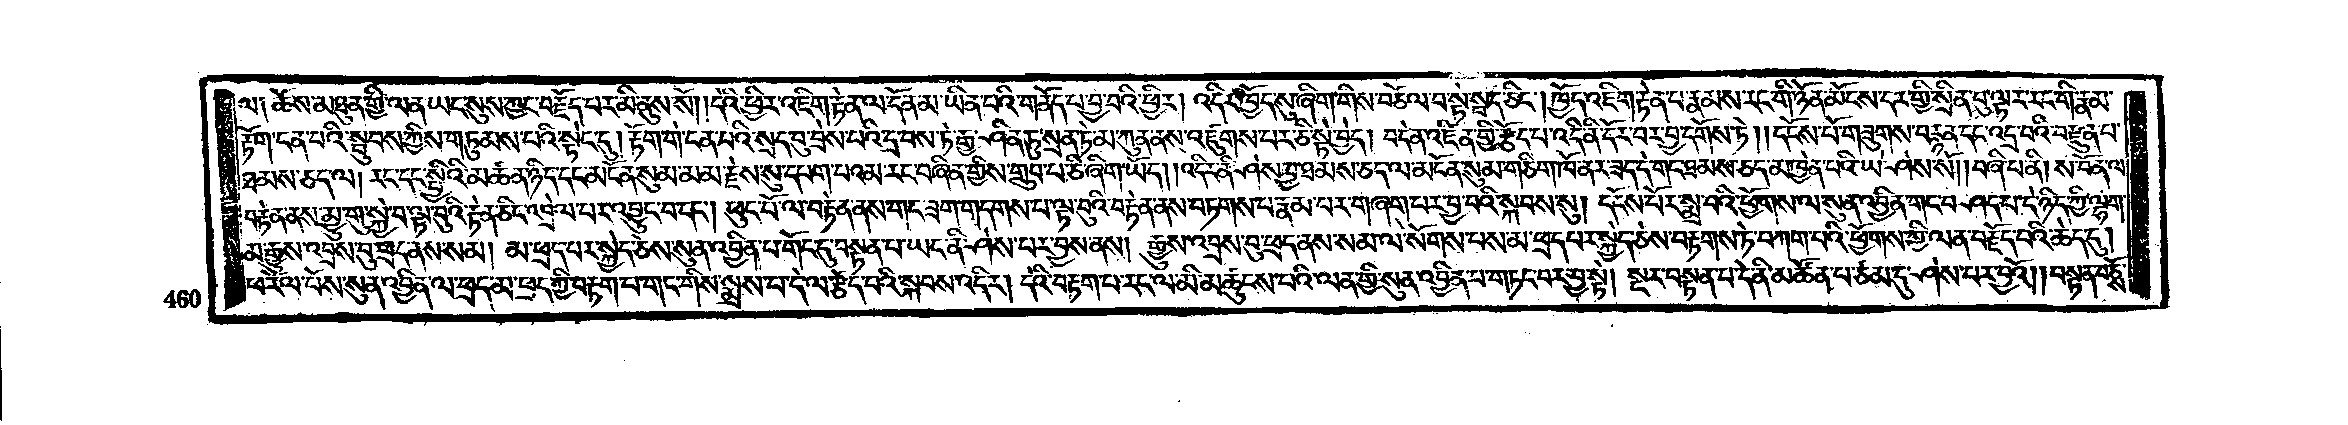ལ། ཆོས་མཐུན་གྱི་ལན་ཡང་སུས་ཀྱང་བརྗོད་པར་མི་ནུས་སོ། །དེའི་ཕྱིར་འཇིག་རྟེན་ལ་དོན་མ་ཡིན་པའི་གནོད་པ་བྱ་བའི་ཕྱིར། འདིར་ཁྱོད་སུ་ཞིག་གིས་བཅོལ་བ་སྟེ་སྦད་ཅིང་། ཁྱོད་འཇིག་རྟེན་པ་རྣམས་རང་གི་ཉོན་མོངས་དར་གྱི་སྲིན་བུ་ལྟར་རང་གི་རྣམ་
རྟོག་ངན་པའི་སྦུབས་ཀྱིས་གཏུམས་པའི་སྟེང་དུ། རྟོག་གེ་ངན་པའི་སྲད་བུ་བྲེས་པའི་དྲ་བས་ཏེ་རྒྱ་ཤིན་ཏུ་སྲན་ཏེ་མ་ཀུན་ནས་འཛུགས་པར་ཅི་སྟེ་བྱེད། བདེན་འཛིན་གྱི་རྩོད་པ་འདི་ནི་དོར་བར་བྱ་དགོས་ཏེ། །དངོས་པོ་གཟུགས་བརྙན་དང་འདྲ་བའི་བརྫུན་པ་
ཐམས་ཅད་ལ། རང་དང་སྤྱིའི་མཚན་ཉིད་དང་མངོན་སུམ་མམ་རྗེས་སུ་དཔག་པའམ་རང་བཞིན་གྱིས་གྲུབ་པ་ཅི་ཞིག་ཡོད། །འདིར་ནི་ཤེས་བྱ་ཐམས་ཅད་ལ་མངོན་སུམ་གཅིག་ཁོ་ནར་ཟད་དེ་གང་ཐམས་ཅད་མཁྱེན་པའི་ཡེ་ཤེས་སོ། །བཞི་པ་ནི། ས་བོན་ལ་
བརྟེན་ནས་མྱུ་གུ་སྐྱེ་བ་ལྟ་བུའི་རྟེན་ཅིང་འབྲེལ་པར་འབྱུང་བ་དང་། ཕུང་པོ་ལ་བརྟེན་ནས་གང་ཟག་གདགས་པ་ལྟ་བུའི་བརྟེན་ནས་བཏགས་པ་རྣམ་པར་གཞག་པར་བྱ་བའི་སྐབས་སུ། དངོས་པོར་སྨྲ་བའི་ཕྱོགས་ལ་སུན་འབྱིན་གང་བཤད་པ་དེ་ཉིད་ཀྱི་ལྷག་
མ་རྒྱུས་འབྲས་བུ་ཕྲད་ནས་སམ། མ་ཕྲད་པར་སྐྱེད་ཅེས་སུན་འབྱིན་པ་གོང་དུ་བསྟན་པ་ཡང་ནི་ཤེས་པར་བྱས་ནས། རྒྱུས་འབྲས་བུ་ཕྲད་ནས་སམ་ལ་སོགས་པས་མ་ཕྲད་པར་སྐྱེད་ཅེས་བརྟགས་ཏེ་བཀག་པའི་ཕྱོགས་ཀྱི་ལན་བརྗོད་པའི་ཆེད་དུ།
ཕ་རོལ་པོས་སུན་འབྱིན་ལ་ཕྲད་མ་ཕྲད་ཀྱི་བརྟག་པ་གང་གིས་སྨྲས་པ་དེ་ལ་རྩོད་པའི་སྐབས་འདིར། དེའི་བརྟག་པ་རང་ལ་མི་མཚུངས་པའི་ལན་གྱི་སུན་འབྱིན་པ་གཏང་བར་བྱ་སྟེ། སྔར་བསྟན་པ་དེ་ནི་མཚོན་པ་ཙམ་དུ་ཤེས་པར་བྱའོ། །བསྟན་བཅོས་